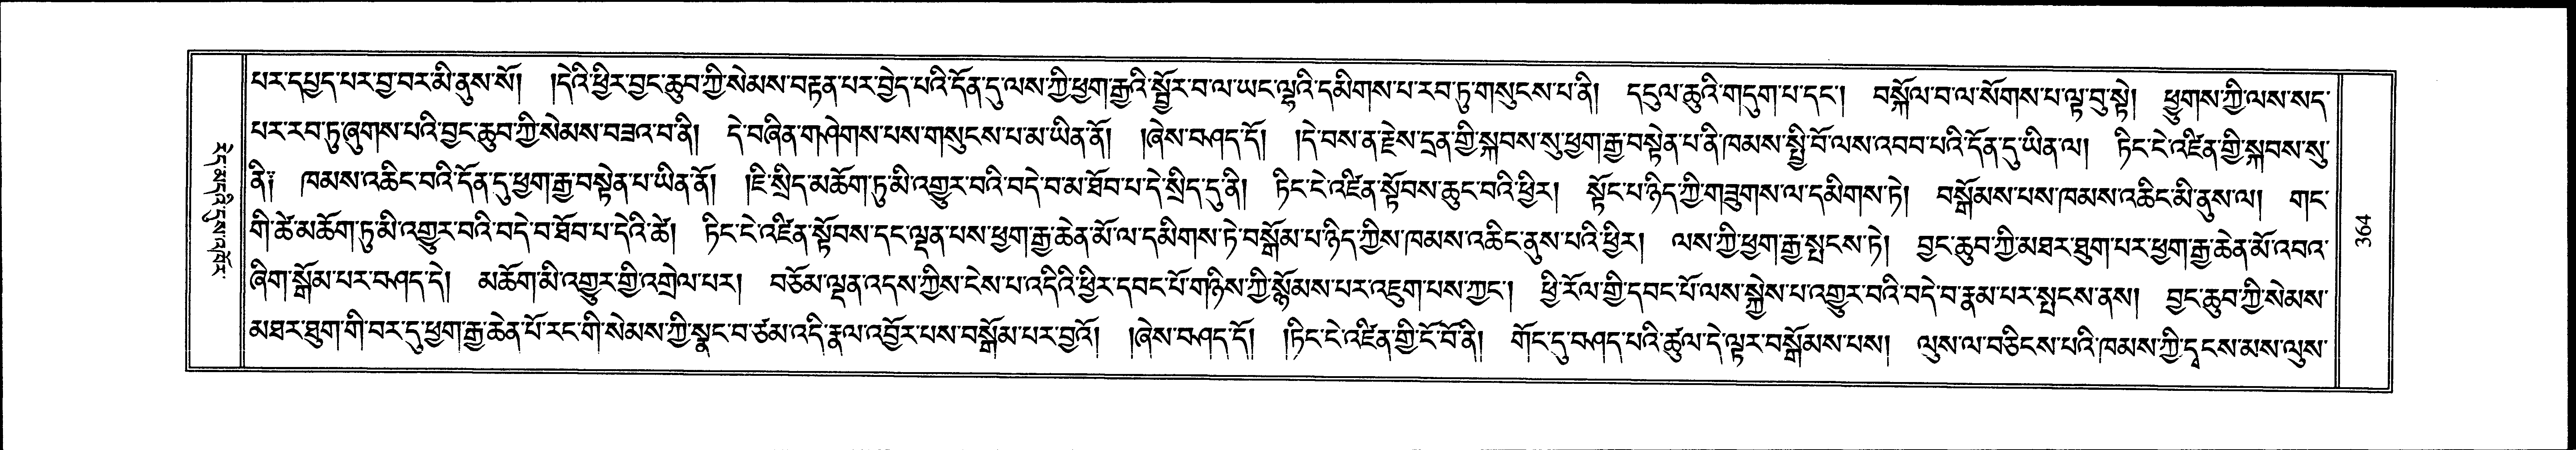པར་དཔྱད་པར་བྱ་བར་མི་ནུས་སོ། །དེའི་ཕྱིར་བྱང་ཆུབ་ཀྱི་སེམས་བརྟན་པར་བྱེད་པའི་དོན་དུ་ལས་ཀྱི་ཕྱག་རྒྱའི་སྦྱོར་བ་ལ་ཡང་ལྷའི་དམིགས་པ་རབ་ཏུ་གསུངས་པ་ནི། དངུལ་ཆུའི་གདུག་པ་དང་། བསྐོལ་བ་ལ་སོགས་པ་ལྟ་བུ་སྟེ། ཕྱུགས་ཀྱི་ལས་སད་
པར་རབ་ཏུ་ཞུགས་པའི་བྱང་ཆུབ་ཀྱི་སེམས་བཟའ་བ་ནི། དེ་བཞིན་གཤེགས་པས་གསུངས་པ་མ་ཡིན་ནོ། །ཞེས་བཤད་དོ། །དེ་བས་ན་རྗེས་དྲན་གྱི་སྐབས་སུ་ཕྱག་རྒྱ་བསྟེན་པ་ནི་ཁམས་སྤྱི་བོ་ལས་འབབ་པའི་དོན་དུ་ཡིན་ལ། ཏིང་ངེ་འཛིན་གྱི་སྐབས་སུ་
ནི། ཁམས་འཆིང་བའི་དོན་དུ་ཕྱག་རྒྱ་བསྟེན་པ་ཡིན་ནོ། །ཇི་སྲིད་མཆོག་ཏུ་མི་འགྱུར་བའི་བདེ་བ་མ་ཐོབ་པ་དེ་སྲིད་དུ་ནི། ཏིང་ངེ་འཛིན་སྟོབས་ཆུང་བའི་ཕྱིར། སྟོང་པ་ཉིད་ཀྱི་གཟུགས་ལ་དམིགས་ཏེ། བསྒོམས་པས་ཁམས་འཆིང་མི་ནུས་ལ། གང་
གི་ཚེ་མཆོག་ཏུ་མི་འགྱུར་བའི་བདེ་བ་ཐོབ་པ་དེའི་ཚེ། ཏིང་ངེ་འཛིན་སྟོབས་དང་ལྡན་པས་ཕྱག་རྒྱ་ཆེན་མོ་ལ་དམིགས་ཏེ་བསྒོམ་པ་ཉིད་ཀྱིས་ཁམས་འཆིང་ནུས་པའི་ཕྱིར། ལས་ཀྱི་ཕྱག་རྒྱ་སྤངས་ཏེ། བྱང་ཆུབ་ཀྱི་མཐར་ཐུག་པར་ཕྱག་རྒྱ་ཆེན་མོ་འབའ་
ཞིག་སྒོམ་པར་བཤད་དེ། མཆོག་མི་འགྱུར་གྱི་འགྲེལ་པར། བཅོམ་ལྡན་འདས་ཀྱིས་ངེས་པ་འདིའི་ཕྱིར་དབང་པོ་གཉིས་ཀྱི་སྙོམས་པར་འཇུག་པས་ཀྱང་། ཕྱི་རོལ་གྱི་དབང་པོ་ལས་སྐྱེས་པ་འགྱུར་བའི་བདེ་བ་རྣམ་པར་སྤངས་ནས། བྱང་ཆུབ་ཀྱི་སེམས་
མཐར་ཐུག་གི་བར་དུ་ཕྱག་རྒྱ་ཆེན་པོ་རང་གི་སེམས་ཀྱི་སྣང་བ་ཙམ་འདི་རྣལ་འབྱོར་པས་བསྒོམ་པར་བྱའོ། །ཞེས་བཤད་དོ། །ཏིང་ངེ་འཛིན་གྱི་ངོ་བོ་ནི། གོང་དུ་བཤད་པའི་ཚུལ་དེ་ལྟར་བསྒོམས་པས། ལུས་ལ་བཅིངས་པའི་ཁམས་ཀྱི་དྭངས་མས་ལུས་